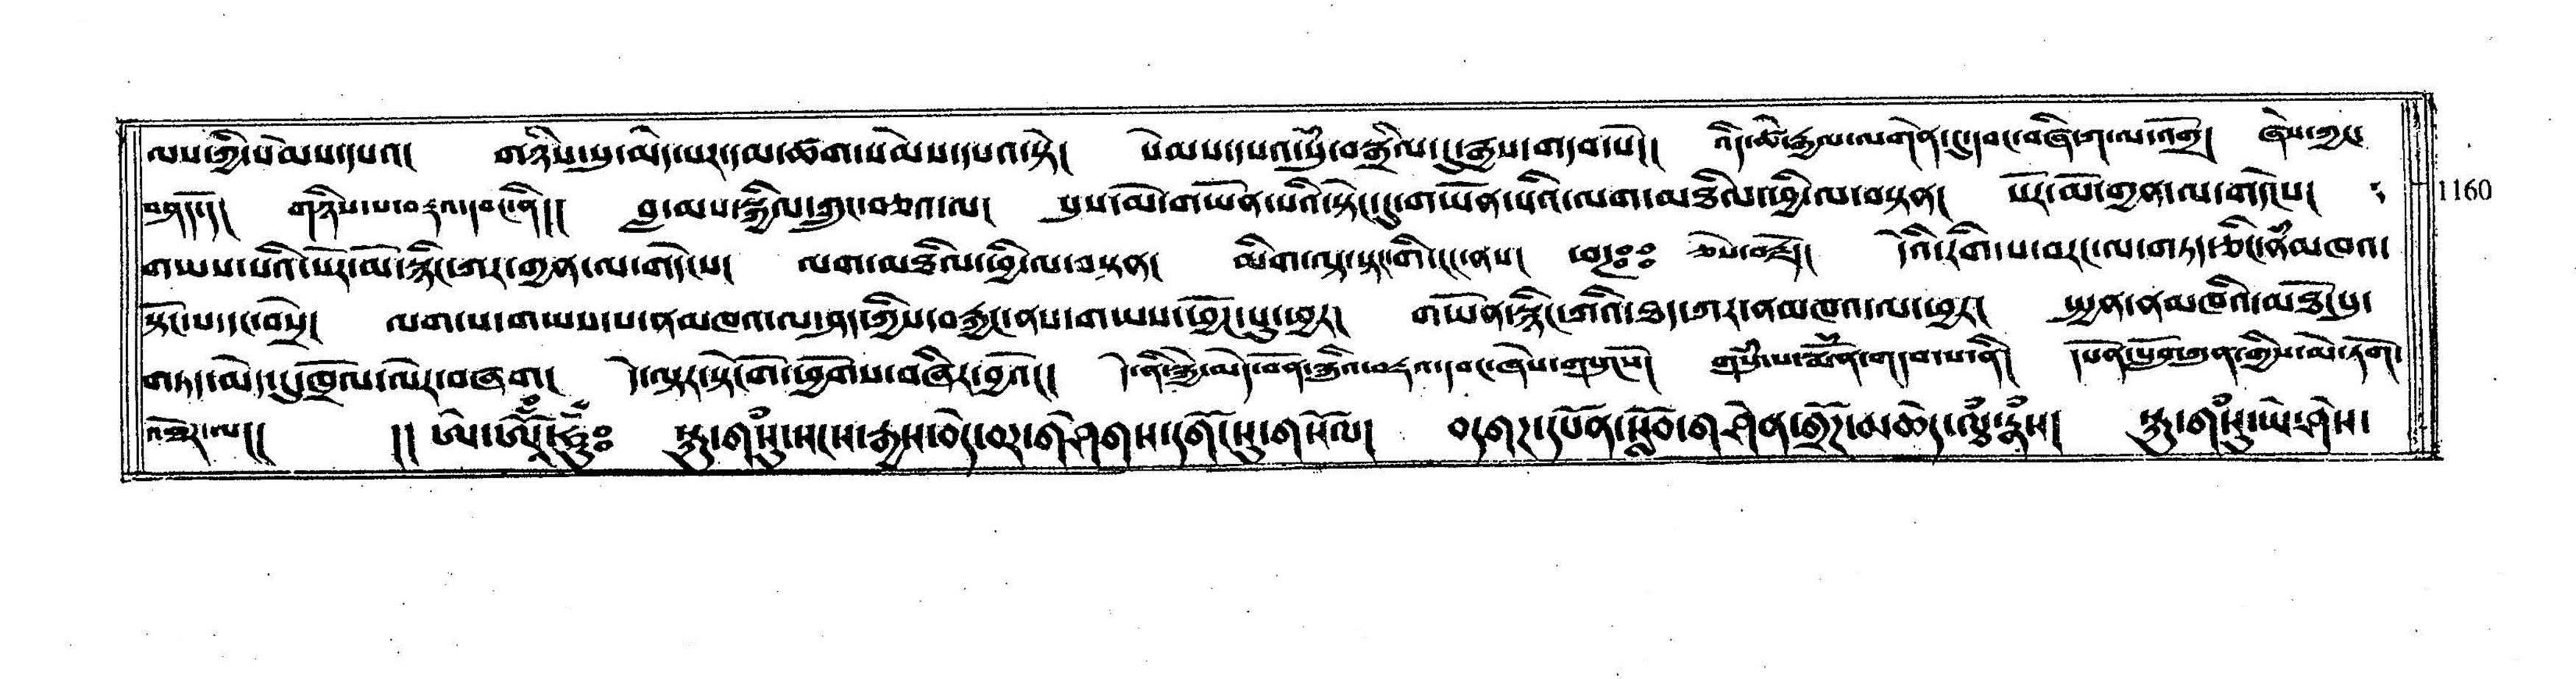ལས་ཀྱི་སེམས་དཔའ། གཉིས་སུ་མེད་པར་དམ་ཚག་སེམས་དཔའ་སྟེ། སེམས་དཔའ་སུམ་བསྒྲིལ་དུ་རྒྱས་གདབ་པོ།། འདི་ཚེ་རྒྱལ་ལག་ལེན་དུ་དབང་བཞི་ཀ་ལ་འགྲོ། ཞེས་ཀྱང་
བཤད་དོ། གཉིས་པ་བརྡའ་དབང་ནི།། བླ་མས་སྐྱིལ་ཀྲུང་བཅའ་ལ། པུས་མོ་གཡོན་པའི་སྟེང་དུ་གཡོན་པའི་ལག་མཐིལ་ཕྱི་ལ་བསྟན། སོར་མོ་གྱེན་ལ་གདེངས། 
གཡས་པའི་སོར་མོ་སྙིང་ཀར་གྱེན་ལ་གདེངས། ལག་མཐིལ་ཕྱི་ལ་བསྟན། མིག་ལྟ་སྟང་གི་ངང་ནས། ཕཊཿ༔ ཅེས་བརྗོད། དེའི་རིག་པ་བར་སྣང་ལ་གཏད་ཅིང་ནམ་མཁའ་
སྟོང་པ་དང་བསྲེ། ལག་པ་གཡས་པ་ནམ་མཁའ་ལ་ཤད་ཀྱིས་བརྐྱང་ནས་གཡས་ཕྱོགས་སུ་ཕྱར། གཡོན་སྙིང་ཀའི་ཐད་ཀར་ནམ་མཁའ་ལ་ཕྱར། སྤྱན་ནམ་མཁའི་མཐོངས་སུ་
གཏད་མེད་དུ་ཁྲོལ་ལེར་བཞག དེ་ལྟར་སྟེང་འོག་ཕྱོགས་བཞིར་བྱའོ།། དེ་ནི་སྐྱེ་མེད་བོན་སྐུའི་བརྡའ་དབང་ཞེས་གསུངས་སོ། །གསུམ་པ་སྨོན་ལམ་གདབ་པ་ནི། དཔོན་སློབ་ཀུན་གྱིས་མེ་ཏོག་
འཐོར་ལ།། །།ཨ་ཨཱོཾ་ཧཱུྃཿ སྐུ་གསུམ་སངས་རྒྱས་བདེ་བར་གཤེགས་པ་དགོངས་སུ་གསོལ། བདག་ཅག་དཔོན་སློབ་གཤེན་གྲོགས་མཆེད་ལྕམ་རྣམས། སྐུ་གསུམ་ཡེ་ཤེས་